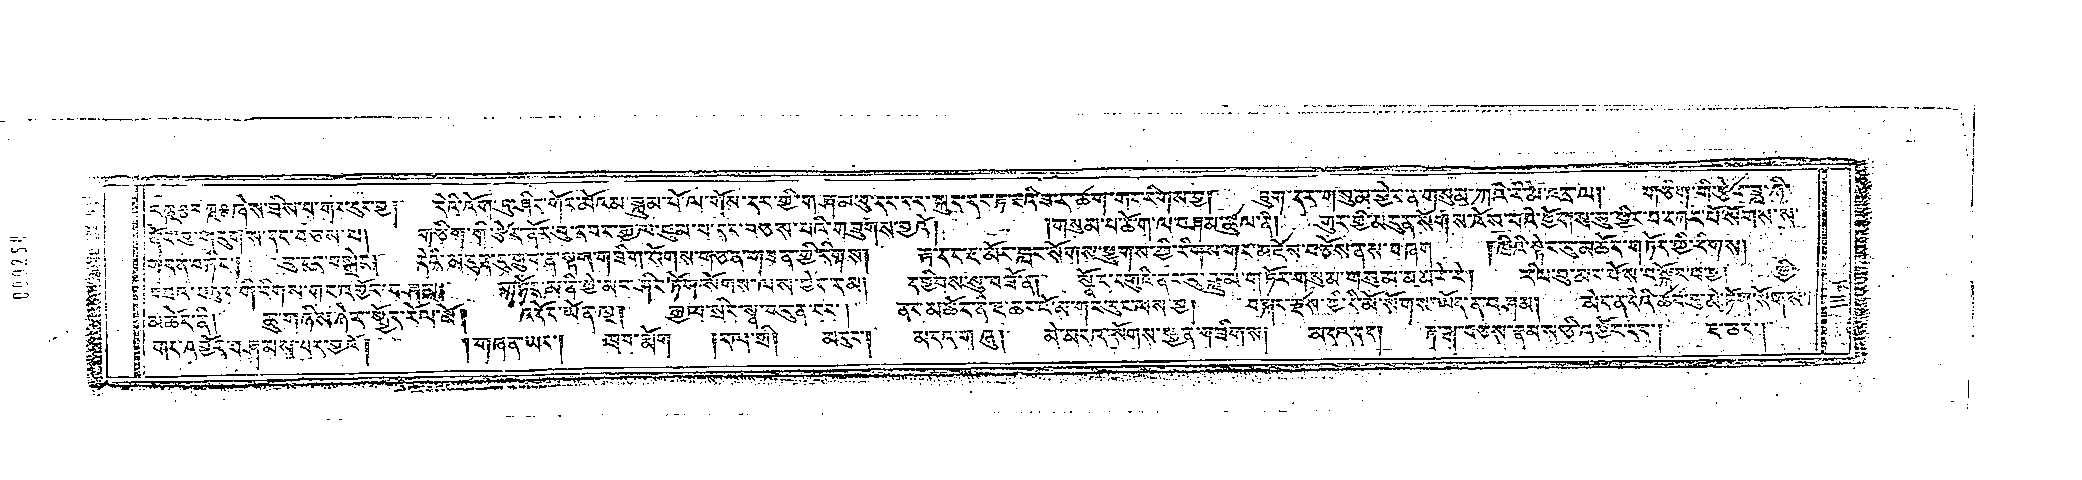རཀྵཿ་རཀྵཿ་ཞེས་བྲིས་བ་གང་རུང་བྱ། དེའི་འོག་ཏུ་ཤིང་གོར་མོའམ་ཟླུམ་པོ་ལ་གོས་དར་གྱི་གཤམ་བུ་དང་དར་སྐུད་དང་རྟ་རྡའི་ཟ་ར་ཚག་གང་རིགས་བྱ། ཐུག་དར་གསུམ་བྱེད་ན་གསུམ་ཀའི་རི་མོ་འདྲ་ལ། གཅིག་གི་རྩེར་ཟླ་ཉི་
ནོར་བུ་གདུགས་དང་བཅས་པ། གཅིག་གི་རྩེར་ནོར་བུ་དབང་རྒྱལ་བུམ་པ་དང་བཅས་པའི་གཟུགས་བྱའོ། །གསུམ་པ་ཆོ་ག་ལ་བཤམ་ཚུལ་ནི། གུར་གྱི་མདུན་སོགས་འོས་པའི་ཕྱོགས་སུ་ཕྱིང་བ་དཀར་པོ་སོགས་སོ།།
གདན་བཏིང་། རུ་དར་བསྒྲེང་། དེའི་མདུན་དུ་གྲུབ་ན་སྟག་གཟིག་སོགས་གཅན་གཟན་གྱི་རིགས། རྟ་དང་རྔ་མོད་གླང་སོགས་ཕྱུགས་ཀྱི་རིགས་གད་མཛེས་བཅོས་ནས་བཞག །ཁྲིའི་སྟེང་དུ་མཆོད་གཏོར་གྱི་རིགས།
བཟའ་པ་ཏུང་གི་རིགས་གང་འབྱོར་བཤམ། གཏོར་མ་ནི་ཕྱེ་མར་ཤིང་ཏོག་སོགས་ལས་བྱེད་དམ། དབྱིབས་སུ་བཟོ་ན། སྣོད་དགུའི་ནང་དུ་ཟླུམ་གཏོར་གསུམ་གསུམ་མམ་རེ་རེ། རིལ་བུ་མང་པོས་བསྐོར་བ་བྱ། ཕྱི་
མཆོད་ནི། ཆུ་གཉིས་ཉེར་སྤྱོད་རོལ་མོ། འདོད་ཡོན་ལྔ། རྒྱལ་སྲིད་སྣ་བདུན་དང་། ནང་མཆོད་ནི་ཇ་ཆད་འོ་མ་གང་རུང་ལས་བྱ། བསྐང་རྫས་ཀྱི་རི་མོ་སོགས་ཡོད་ན་བཤམ། མེད་ན་དེའི་ཚབ་ཏུ་མེ་ཏོག་སོགས་
གང་འབྱོར་བཤམས་པར་བྱའོ། །གཞན་ཡང་། ཁྲབ་རྨོག །རལ་གྲི། མདུང་། མདའ་གཞུ། མེ་མདའ་སོགས་སྤྱན་གཟིགས། མདའ་དར། རྟ་སྒ་བཅས་རྣམས་ཅི་འབྱོར་དང་། ཇ་ཆང་།